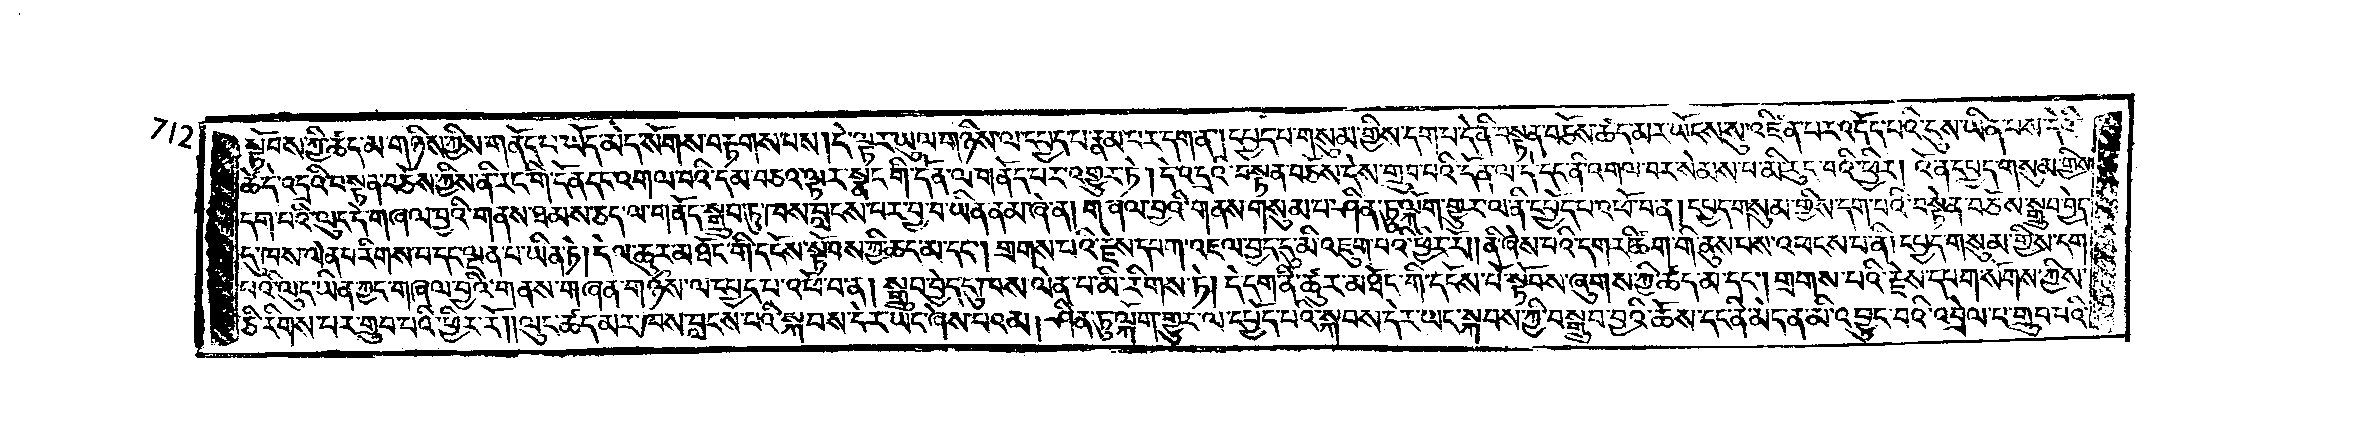སྟོབས་ཀྱི་ཚད་མ་གཉིས་ཀྱིས་གནོད་པ་ཡོད་མེད་སོགས་བརྟགས་པས། དེ་ལྟར་ཡུལ་གཉིས་ལ་དཔྱད་པ་རྣམ་པར་དག་ན། དཔྱད་པ་གསུམ་གྱིས་དག་པ་དེ་ནི་བསྟན་བཅོས་ཚད་མར་ཡོངས་སུ་འཛིན་པར་འདོད་པའི་དུས་ཡིན་པས་དེའི་
ཚེ་དེ་འདྲའི་བསྟན་བཅོས་ཀྱི་ནི་རང་གི་དོན་དང་འགལ་བའི་དམ་བཅའ་ལྟར་སྣང་གི་དོན་ལ་གནོད་པར་འགྱུར་ཏེ། དེ་འདྲའི་བསྟན་བཅོས་དེས་གྲུབ་པའི་དོན་ལ་དེ་དང་ནི་འགལ་བར་སེམས་པ་མི་རུང་བའི་ཕྱིར། འོ་ན་དཔྱད་པ་གསུམ་གྱིས་
དག་པའི་ལུང་དེ་གཞལ་བྱའི་གནས་ཐམས་ཅད་ལ་གནོད་སྒྲུབ་ཏུ་ཁས་བླངས་པར་བྱ་བ་ཡིན་ནམ་ཞེ་ན། གཞལ་བྱའི་གནས་གསུམ་པ་ཤིན་ཏུ་ལྐོག་གྱུར་ལ་ནི་དཔྱོད་པ་འཕོ་བ་ན། དཔྱད་གསུམ་གྱིས་དག་པའི་བསྟེན་བཅོས་སྒྲུ་བྱེད་
དུ་ཁས་ལེན་པར་རིགས་པ་དང་ལྡན་པ་ཡིན་ཏེ། དེ་ལ་ཆུར་མཐོང་གི་དངོས་སྟོབས་ཀྱི་ཚད་མ་དང་། གྲགས་པའི་རྗེས་དཔག་འཇལ་བྱེད་དུ་མི་འཇུག་པ་ཕྱིར་རོ། །ནི་ཞེས་པའི་དགར་ཚིག་གི་ནུས་པས་འཕངས་པ་ནི། དཔྱད་གསུམ་གྱིས་དག་
པའི་ལུད་ཡིན་ཀྱང་གཞལ་བྱའི་གནས་གཞན་གཉིས་ལ་དཔྱད་པ་འཕོ་བ་ན། སྒྲུབ་བྱེད་དུ་ཁས་ལེན་པ་མི་རིགས་ཏེ། དེ་དག་ནི་ཚུལ་མཐོང་གི་དངོས་པོ་སྟོབས་ཞུགས་ཀྱི་ཚད་མ་དང་། གྲགས་པའི་རྗེས་དཔག་སོགས་ཀྱིས་
ཅི་རིགས་པར་གྲུབ་པའི་ཕྱིར་རོ། །ལུང་ཚད་མར་ཁས་བླངས་པའི་སྐབས་དེར་ཡང་ཞེས་པའམ། ཤིན་ཏུ་ལྐོག་གྱུར་ལ་དཔྱོད་པའི་སྐབས་དེར་ཡང་སྐབས་ཀྱི་བསྒྲུ་བྱའི་ཆོས་དང་ནི་མེད་ན་མི་འབྱུང་བའི་འབྲེལ་པ་གྲུབ་པའི་